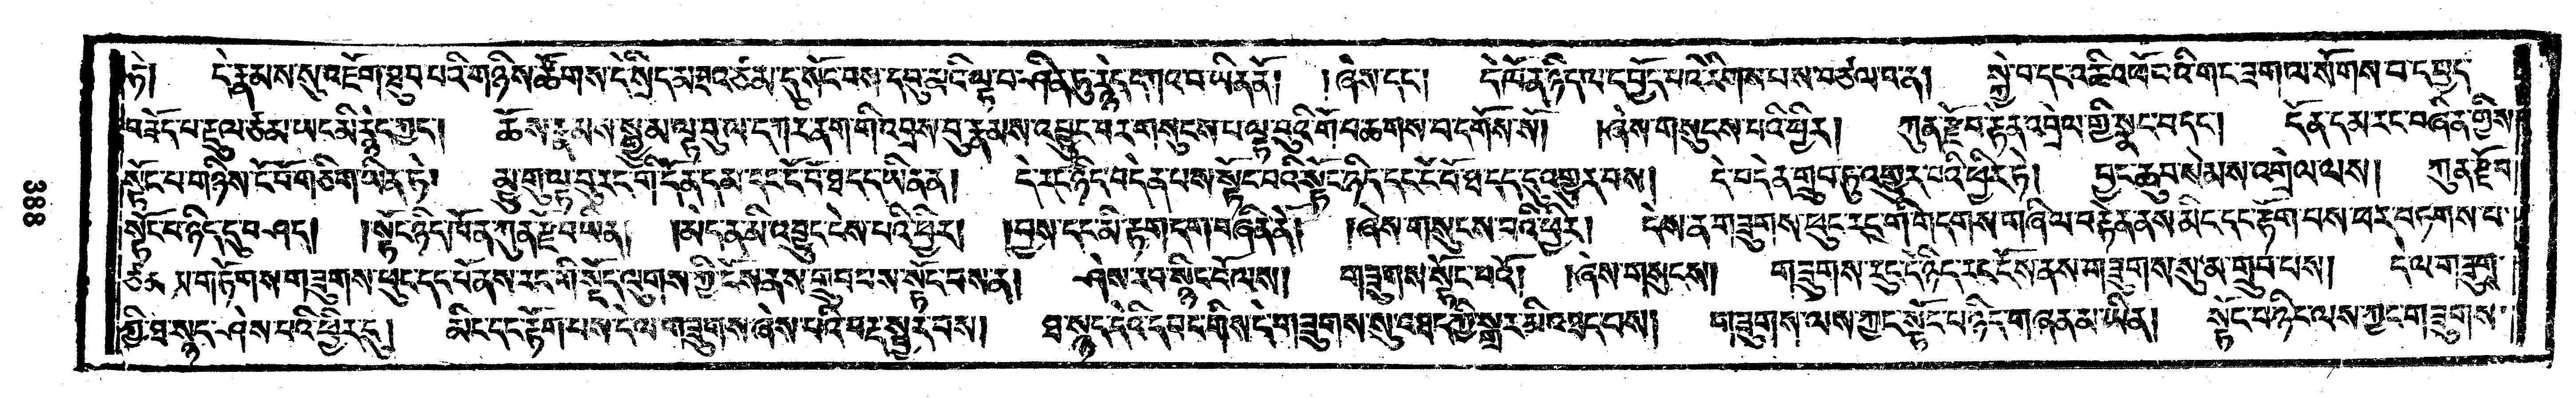ཏེ། དེ་རྣམས་སུ་འཇོག་ཐུབ་པའི་གཉིས་ཚོགས་དེ་སྲིད་མཐའ་ཙམ་དུ་སོང་བས་དབུ་མའི་ལྟ་བ་ཤིན་ཏུ་རྙེད་དཀའ་བ་ཡིན་ནོ། །ཞེས་དང་། དེ་ཁོ་ན་ཉིད་ལ་དཔྱོད་པའི་རིགས་པས་བཙལ་བ་ན། སྐྱེ་བ་དང་འཆི་འཕོ་བའི་གང་ཟག་ལ་སོགས་པ་དཔྱད་
བཟོད་པ་རྡུལ་ཙམ་ཡང་མི་རྙེད་ཀྱང་། ཆོས་རྣམས་སྒྱུ་མ་ལྟ་བུ་ལ་དཀར་ནག་གི་འབྲས་བུ་རྣམས་འབྱུང་བར་གསུངས་པ་ལྟ་བུའི་གོ་བ་ཆགས་པ་དགོས་སོ། །ཞེས་གསུངས་པའི་ཕྱིར། ཀུན་རྫོབ་རྟེན་འབྲེལ་གྱི་སྣང་བ་དང་། དོན་དམ་རང་བཞིན་གྱིས་
སྟོང་པ་གཉིས་ངོ་བོ་གཅིག་ཡིན་ཏེ། མྱུ་གུ་ལྟ་བུ་རང་གི་དོན་དམ་པ་ངོ་བོ་ཐ་དད་ཡིན་ན། དེ་རང་ཉིད་བདེན་པས་སྟོང་པའི་སྟོང་ཉིད་དང་ངོ་བོ་ཐ་དད་དུ་འགྱུར་བས། དེ་བདེན་གྲུབ་ཏུ་འགྱུར་བའི་ཕྱིར་ཏེ། བྱང་ཆུབ་སེམས་འགྲེལ་ལས། ཀུན་རྫོབ་
སྟོང་པ་ཉིད་དུ་བཤད། །སྟོང་ཉིད་ཁོ་ན་ཀུན་རྫོབ་ཡིན། །མེད་ན་མི་འབྱུང་ངེས་པའི་ཕྱིར། །བྱས་དང་མི་རྟག་དག་བཞིན་ནོ། །ཞེས་གསུངས་པའི་ཕྱིར། དེས་ན་གཟུགས་ཕུང་རང་གི་གདགས་གཞི་ལ་བརྟེན་ནས་མིང་དང་རྟོག་པས་ཕར་བཏགས་པ་
ཙམ་མ་གཏོགས་གཟུགས་ཕུང་དང་པོ་ནས་རང་གི་སྡོད་ལུགས་ཀྱི་ངོས་ནས་གྲུབ་པས་སྟོང་པས་ན། ཤེས་རབ་སྙིང་པོ་ལས། གཟུགས་སྟོང་པའོ། །ཞེས་གསུངས། གཟུགས་རུང་དེ་ཉིད་རང་ངོས་ནས་གཟུགས་སུ་མ་གྲུབ་པས། དེ་ལ་གཟུགས་
ཀྱི་ཐ་སྙད་ཤེས་པའི་ཕྱིར་དུ། མིང་དང་རྟོག་པས་དེ་ལ་གཟུགས་ཞེས་པའི་བརྡ་སྦྱར་བས། ཐ་སྙད་དེའི་དབང་གིས་དེ་གཟུགས་སུ་འཐད་ཀྱི་སྒྲར་མི་འཐད་པས། གཟུགས་ལས་ཀྱང་སྟོང་པ་ཉིད་གཞན་མ་ཡིན། སྟོང་པ་ཉིད་ལས་ཀྱང་གཟུགས་